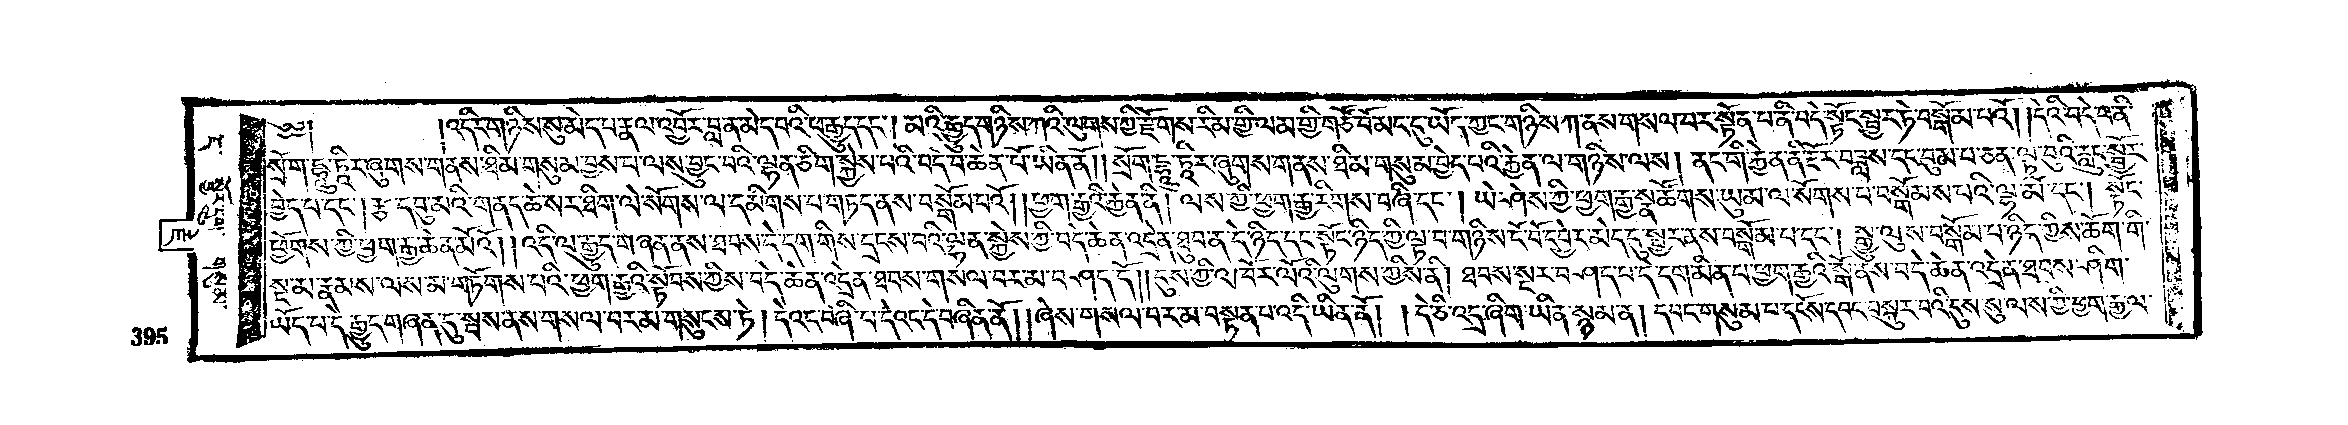༄༅། །འདིར་གཉིས་སུ་མེད་པ་རྣལ་འབྱོར་བླ་ན་མེད་པའི་ཕ་རྒྱུད་དང་། མའི་རྒྱུད་གཉིས་ཀའི་ལུགས་ཀྱི་རྫོགས་རིམ་གྱི་ལམ་གྱི་གཙོ་བོ་མང་དུ་ཡོད་ཀྱང་གཉིས་ཀ་ནས་གསལ་བར་སྟོན་པ་ནི་བདེ་སྟོང་སྦྱར་ཏེ་བསྒོམ་པའོ། །དེའི་བདེ་བ་ནི་
སྲོག་དྷཱུ་ཏཱིར་ཞུགས་གནས་ཐིམ་གསུམ་བྱས་པ་ལས་བྱུང་བའི་ལྷན་ཅིག་སྐྱེས་པའི་བདེ་བ་ཆེན་པོ་ཡིན་ནོ། །སྲོག་དྷཱུ་ཏཱིར་ཞུགས་གནས་ཐིམ་གསུམ་བྱེད་པའི་རྐྱེན་ལ་གཉིས་ལས། ནང་གི་རྐྱེན་ནི་རྡོར་བཟླས་དང་བུམ་པ་ཅན་ལྟ་བུའི་རླུང་སྦྱོར་
བྱེད་པ་དང་། རྩ་དབུ་མའི་གནད་ཆེ་སར་ཐིག་ལེ་སོགས་ལ་དམིགས་པ་གཏད་ནས་བསྒོམ་པའོ། །ཕྱག་རྒྱའི་རྐྱེན་ནི། ལས་ཀྱི་ཕྱག་རྒྱ་རིགས་བཞི་དང་། ཡེ་ཤེས་ཀྱི་ཕྱག་རྒྱ་སྣ་ཚོགས་ཡུམ་ལ་སོགས་པ་བསྒོམས་པའི་ལྷ་མོ་དང་། སྟོང་
ཕྱོགས་ཀྱི་ཕྱག་རྒྱ་ཆེན་མོའོ། །འདི་ལ་རྒྱུད་གཞན་ནས་ཐབས་དེ་དག་གིས་དྲངས་པའི་ལྷན་སྐྱེས་ཀྱི་བདེ་ཆེན་འདྲེན་ཐུབ་ན་དེ་ཉིད་དང་སྟོང་ཉིད་ཀྱི་ལྟ་བ་གཉིས་ངོ་བོ་དབྱེར་མེད་དུ་སྦྱར་ནས་བསྒོམ་པ་དང་། སྒྱུ་ལུས་བསྒོམ་པ་ཉིད་ཀྱིས་ཆོག་གི་
སྔ་མ་རྣམས་ལས་མ་གཏོགས་པའི་ཕྱག་རྒྱའི་སྟོབས་ཀྱིས་བདེ་ཆེན་འདྲེན་ཐབས་གསལ་བར་མ་བཤད་དོ། །དུས་ཀྱི་འཁོར་ལོའི་ལུགས་ཀྱིས་ནི། ཐབས་སྔར་བཤད་པ་དེ་དག་མིན་པ་ཕྱག་རྒྱའི་སྒོ་ནས་བདེ་ཆེན་འདྲེན་ཐབས་ཤིག་
ཡོད་པ་དེ་རྒྱུད་གཞན་དུ་སྦས་ནས་གསལ་བར་མ་གསུངས་ཏེ། དེའང་བཞི་པ་དེའང་དེ་བཞིན་ནོ། །ཞེས་གསལ་བར་མ་བསྟན་པ་འདི་ཡིན་ནོ། །དེ་ཅི་འདྲ་ཞིག་ཡིན་སྙམ་ན། དབང་གསུམ་པ་དངོས་དབང་བསྐུར་བའི་དུས་སུ་ལས་ཀྱི་ཕྱག་རྒྱ་ལ་